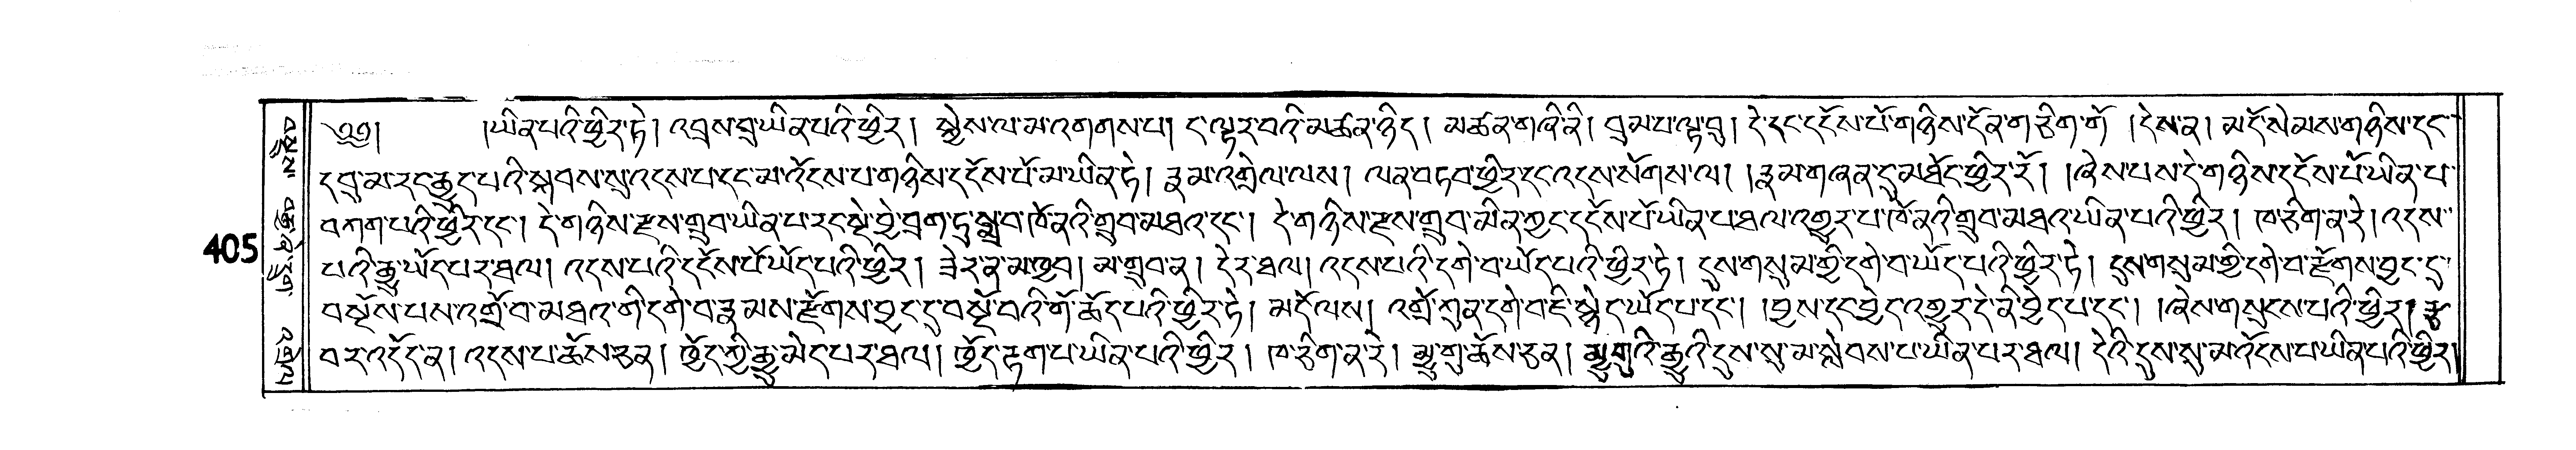༄༅། །ཡིན་པའི་ཕྱིར་ཏེ། འབྲས་བུ་ཡིན་པའི་ཕྱིར། སྐྱེས་ལམ་འགགས་པ། ད་ལྟར་བའི་མཚན་ཉིད། མཚན་གཞི་ནི། བུམ་པ་ལྟ་བུ། དེ་དང་དངོས་པོ་གཉིས་དོན་གཅིག་གོ། །དེས་ན། མདོ་སེམས་གཉིས་དང་
དབུ་མ་དང་རྒྱུད་པའི་སྐབས་སུ་འདས་པ་དང་འོངས་པ་གཉིས་དངོས་པོ་མ་ཡིན་ཏེ། རྣམ་འགྲེལ་ལས། ལན་བཏབ་ཕྱིར་དང་འདས་སོགས་ལ། རྣམ་གཞན་དུ་མཐོང་ཕྱིར་རོ། །ཞེས་པས་དེ་གཉིས་དངོས་པོ་ཡིན་པ་
བཀག་པའི་ཕྱིར་དང་། དེ་གཉིས་རྫས་གྲུབ་ཡིན་པ་རང་སྡེ་བྱེ་བྲག་ཏུ་སྒྲུབ་ཁོ་ནའི་གྲུབ་མཐའ་དང་། དེ་གཉིས་རྫས་གྲུབ་མིན་ཀྱང་དངོས་པོ་ཡིན་པ་ཐལ་འགྱུར་པ་ཁོ་ནའི་གྲུབ་མཐའ་ཡིན་པའི་ཕྱིར། ཁ་ཅིག་ན་རེ། འདས་
པའི་རྒྱུ་ཡོད་པར་ཐལ། འདས་པའི་དངོས་པོ་ཡོད་པའི་ཕྱིར། ཟེར་ན་མ་ཁྱབ། མ་གྲུབ་ན། དེར་ཐལ། འདས་པའི་དགེ་བ་ཡོད་པའི་ཕྱིར་ཏེ། དུས་གསུམ་གྱི་དགེ་བ་ཡོད་པའི་ཕྱིར་ཏེ། དུས་གསུམ་གྱི་དགེ་བ་རྫོགས་བྱང་དུ་
བསྔོས་པས་འགྲོ་བ་མཐའ་གི་དགེ་བ་རྣམས་རྫོགས་བྱང་དུ་བསྔོ་བའི་གོ་ཆོད་པའི་ཕྱིར་ཏེ། མདོ་ལས། འགྲོ་ཀུན་དགེ་བ་ཇི་སྙེད་ཡོད་པ་དང་། །བྱས་དང་བྱེད་འགྱུར་དེ་ནི་བྱེད་པ་དང་། ཞེས་གསུངས་པའི་ཕྱིར། རྩ་
བར་འདོད་ན། འདས་པ་ཆོས་ཅན། ཁྱོད་ཀྱི་རྒྱུ་མེད་པར་ཐལ། ཁྱོད་རྟག་པ་ཡིན་པའི་ཕྱིར། ཁ་ཅིག་ན་རེ། མྱུ་གུ་ཆོས་ཅན། མྱུ་གུའི་རྒྱུའི་དུས་སུ་མ་སླེབས་པ་ཡིན་པར་ཐལ། དེའི་དུས་སུ་མ་འོངས་པ་ཡིན་པའི་ཕྱིར།